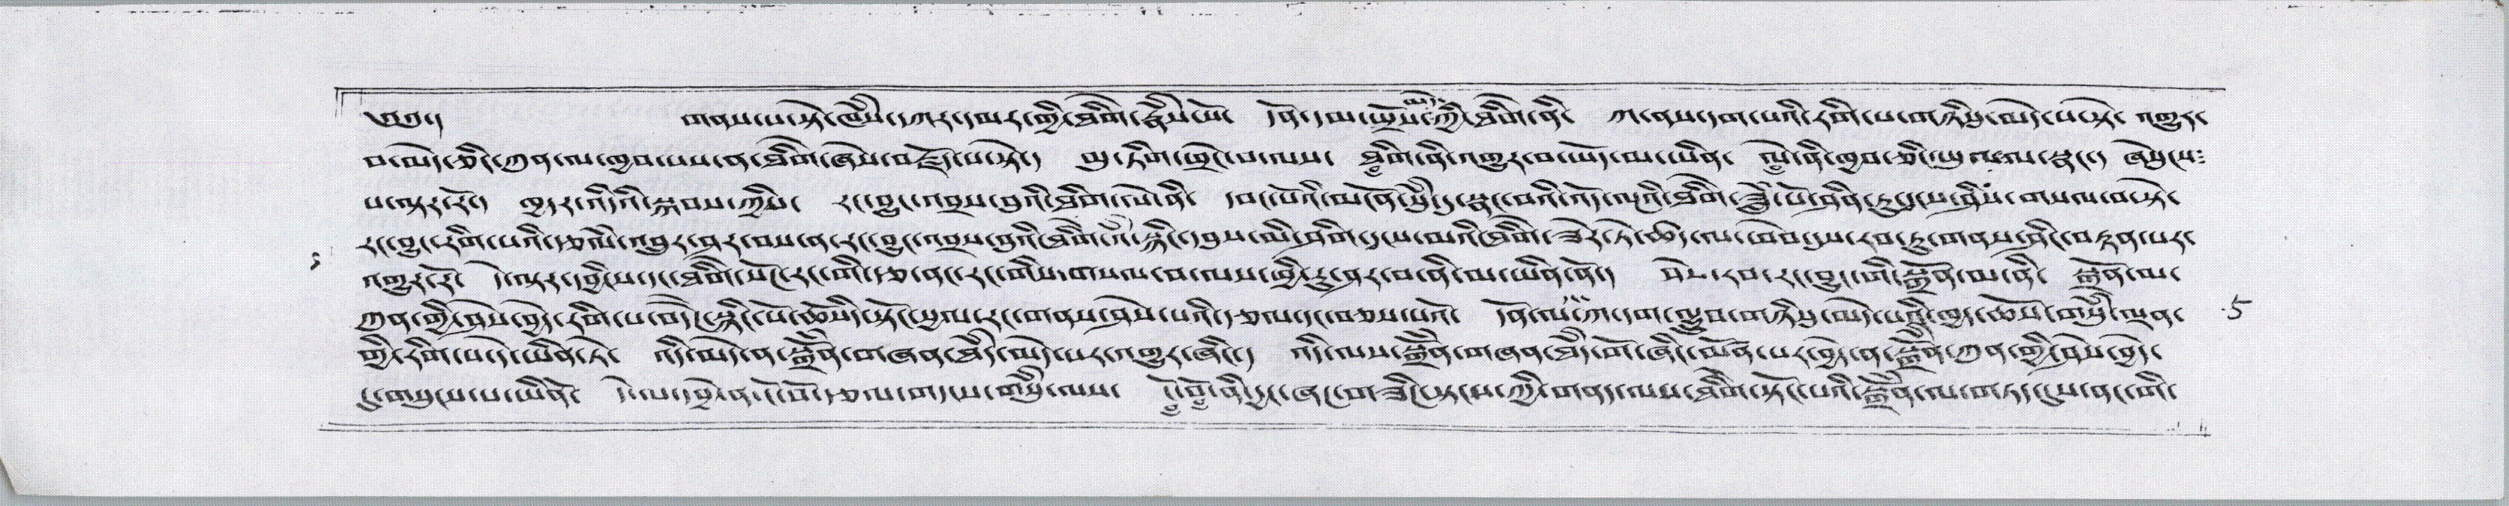གནས་པ་སྟེ་ཁམས་དཀར་དམར་གྱི་ཐིག་ལེ་རྣམས་སོ། དོན་དམ་སྤྲོས་མེད་ཀྱི་ཐིག་ལེ་ནི། ཀ་ནས་དག་པའི་རིག་པ་གཉིས་སུ་མེད་པ་སྟེ། འགྱུར་
བ་མེད་ཅིང་ཀུན་ལ་ཁྱབ་པས་ན་ཐིག་ལེ་ཞེས་བརྗོད་པ་སྟེ། མུ་ཏིག་ཕྲེང་བ་ལས། ཐིག་ནི་འགྱུར་བ་ཡོད་མ་ཡིན། །ལེ་ནི་ཁྱབ་ཅིང་ཡུལ་ལ་སྣང་། །ཞེས་གསུངས་
པ་ལྟར་རོ། །ཁྱད་པར་འདིའི་སྐབས་ཀྱིས། རང་བྱུང་འབྲས་བུའི་ཐིག་ལེ་ནི། དབང་པོའི་མངོན་སུམ་དུ་སྣང་བའི་འོད་ལྔའི་ཐིག་ལེ་ཟླུམ་པོ་ཤིན་ཏུ་དྭངས་ཤིང་གསལ་བ་སྟེ། 
རང་བྱུང་རིག་པའི་རྩལ་ལམ་འབྲས་བུར་ཤར་བས་ན་རང་བྱུང་འབྲས་བུའི་ཐིག་ལེ་འམ་སྙིང་དབུས་མི་ཤིགས་དྭངས་མའི་ཐིག་ལེ་ཟེར་ཏེ་ཚད་ལ་ཕེབས་དུས་རབ་ཏུ་གནས་ཤིང་བརྟན་པར་
འགྱུར་རོ། །དེ་ལྟར་དབྱིངས་དང་ཐིག་ལེ་སོགས་རང་རང་གི་རྩ་ནང་རང་གིས་གསལ་བ་ལས་ཕྱི་རུ་ཤར་བ་ནི་མ་ཡིན་ནོ། ཤེས་རབ་རང་བྱུང་གི་སྒྲོན་མ་ནི། སྒྲོན་མ་
ཀུན་གྱི་ཤེས་བྱེད་རིག་པ་བདེར་གཤེགས་སྙིང་པོ་ཆོས་ཉིད་སྟོང་གསལ་རང་གནས་ཤེས་པའི་རྩལ་དང་བཅས་པའོ། །དོན་ལ་ཀ་དག་ལྷུན་གྲུབ་གཉིས་སུ་མེད་པའི་ཁྱད་ཆོས་གསུམ་ལྡན་
གྱི་རིག་པ་དེ་ཡིན་ཏེ། འདི་མེད་ན་སྒྲོན་མ་གཞན་ཐམས་ཅད་མེད་པར་འགྱུར་ཞིང་། འདི་ལས་སྒྲོན་མ་གཞན་ཐམས་ཅད་གོ་ཞིང་མཚོན་པར་བྱེད་ན་སྒྲོན་མ་ཀུན་གྱི་ཤེས་བྱེད་
དུ་གསུངས་པ་ཡིན་ནོ། དེ་ལ་དབྱེ་ན་ངོ་བོ་རྩལ་གདངས་གསུམ་ལས། ངོ་བོ་ནི་རྒྱང་ཞགས་གཟིགས་སྟངས་ཀྱི་གནད་ལས་ཐིག་ལེ་སྟོང་པའི་སྒྲོན་མ་ལ་གཏད་དུས་ནང་གི་